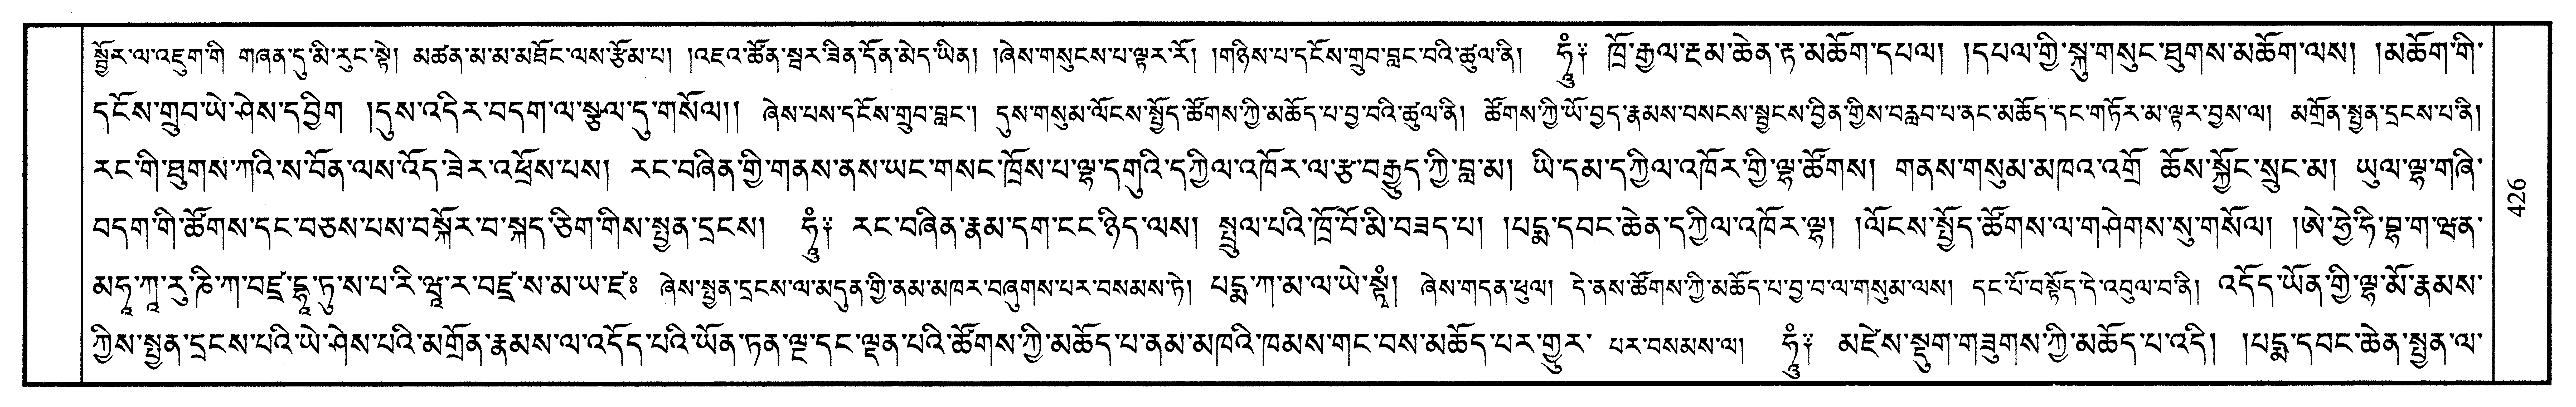སྦྱོར་ལ་འཇུག་གི་གཞན་དུ་མི་རུང་སྟེ། མཚན་མ་མ་མཐོང་ལས་རྩོམ་པ། །འཇའ་ཚོན་སྦར་ཟིན་དོན་མེད་ཡིན། །ཞེས་གསུངས་པ་ལྟར་རོ། །གཉིས་པ་དངོས་གྲུབ་བླང་བའི་ཚུལ་ནི། ཧཱུཾཿ ཁྲོ་རྒྱལ་རྔམ་ཆེན་རྟ་མཆོག་དཔལ། །དཔལ་གྱི་སྐུ་གསུང་ཐུགས་མཆོག་ལས། །མཆོག་གི་
དངོས་གྲུབ་ཡེ་ཤེས་དབྱིག །དུས་འདིར་བདག་ལ་སྩལ་དུ་གསོལ།། ཞེས་པས་དངོས་གྲུབ་བླང་། དུས་གསུམ་ལོངས་སྤྱོད་ཚོགས་ཀྱི་མཆོད་པ་བྱ་བའི་ཚུལ་ནི། ཚོགས་ཀྱི་ཡོ་བྱད་རྣམས་བསངས་སྦྱངས་བྱིན་གྱིས་བརླབ་པ་ནང་མཆོད་དང་གཏོར་མ་ལྟར་བྱས་ལ། མགྲོན་སྤྱན་དྲངས་པ་ནི།
རང་གི་ཐུགས་ཀའི་ས་བོན་ལས་འོད་ཟེར་འཕྲོས་པས། རང་བཞིན་གྱི་གནས་ནས་ཡང་གསང་ཁྲོས་པ་ལྷ་དགུའི་དཀྱིལ་འཁོར་ལ་རྩ་བརྒྱུད་ཀྱི་བླ་མ། ཡི་དམ་དཀྱིལ་འཁོར་གྱི་ལྷ་ཚོགས། གནས་གསུམ་མཁའ་འགྲོ། ཆོས་སྐྱོང་སྲུང་མ། ཡུལ་ལྷ་གཞི་
བདག་གི་ཚོགས་དང་བཅས་པས་བསྐོར་བ་སྐད་ཅིག་གིས་སྤྱན་དྲངས། ཧཱུཾ། རང་བཞིན་རྣམ་དག་ངང་ཉིད་ལས། སྤྲུལ་པའི་ཁྲོ་བོ་མི་བཟད་པ། །པདམ་དབང་ཆེན་དཀྱིལ་འཁོར་ལྷ། །ལོངས་སྤྱོད་ཚོགས་ལ་གཤེགས་སུ་གསོལ། །ཨེ་ཧྱེ་ཧི་བྷ་ག་ཝན་
མཧཱ་ཀཱ་རུ་ཎི་ཀ་བཛྲ་དྷཱ་ཏུ་ས་པ་རི་ཝཱ་ར་བཛྲ་ས་མ་ཡ་ཛཿ ཞེས་སྤྱན་དྲངས་ལ་མདུན་གྱི་ནམ་མཁར་བཞུགས་པར་བསམས་ཏེ། པདམ་ཀ་མ་ལ་ཡེ་སྟྭཾ། ཞེས་གདན་ཕུལ། དེ་ནས་ཚོགས་ཀྱི་མཆོད་པ་བྱ་བ་ལ་གསུམ་ལས། དང་པོ་བསྟོད་དེ་འབུལ་བ་ནི། འདོད་ཡོན་གྱི་ལྷ་མོ་རྣམས་
ཀྱིས་སྤྱན་དྲངས་པའི་ཡེ་ཤེས་པའི་མགྲོན་རྣམས་ལ་འདོད་པའི་ཡོན་ཏན་ལྔ་དང་ལྡན་པའི་ཚོགས་ཀྱི་མཆོད་པ་ནམ་མཁའི་ཁམས་གང་བས་མཆོད་པར་གྱུར་པར་བསམས་ལ། ཧཱུཾཿ མཛེས་སྡུག་གཟུགས་ཀྱི་མཆོད་པ་འདི། །པདམ་དབང་ཆེན་སྤྱན་ལ་